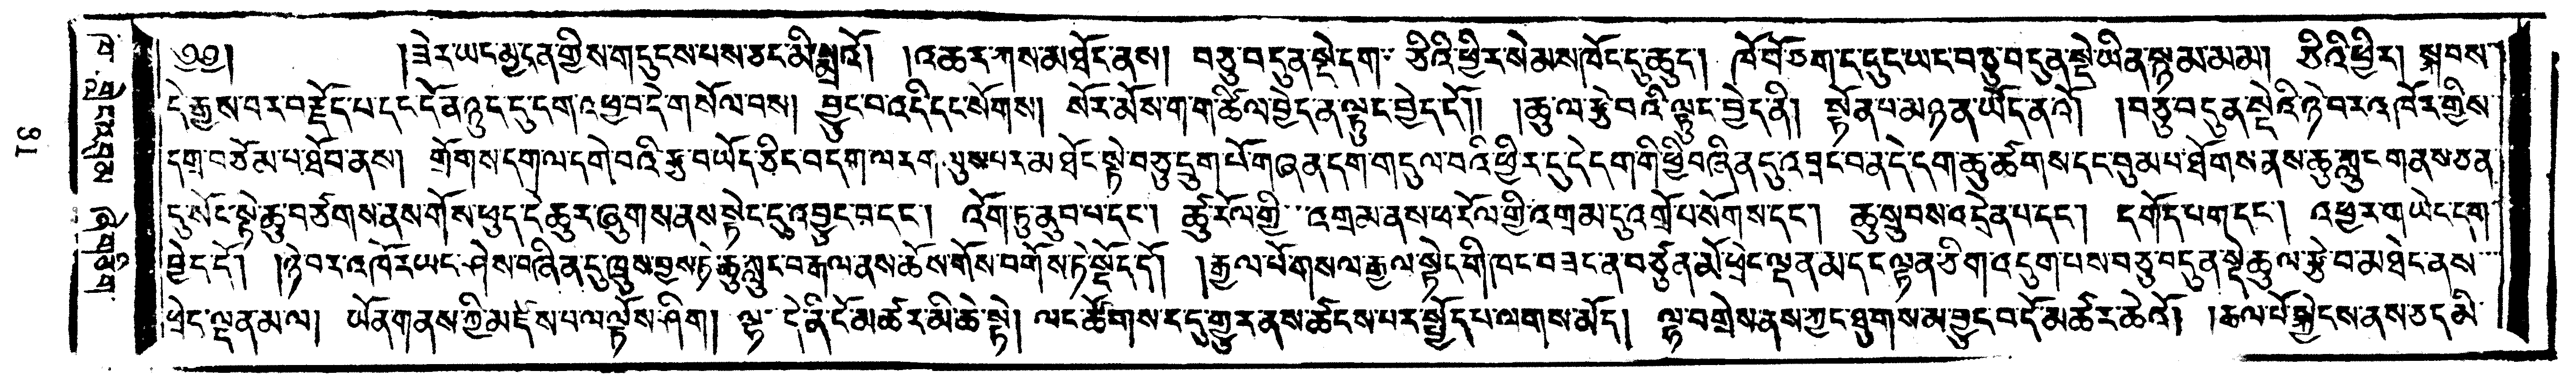༄༅། །ཟེར་ཡང་མྱ་ངན་གྱིས་གདུངས་པས་ཅང་མི་སྨྲའོ། །འཆར་ཀས་མཐོང་ནས། བཅུ་བདུན་སྡེ་དག༑ ཅིའི་ཕྱིར་སེམས་ཁོང་དུ་ཆུད། ཁོ་བོ་ཅག་ད་དུང་ཡང་བཅུ་བདུན་སྡེ་ཡིན་སྙམ་མམ། ཅིའི་ཕྱིར། སྐབས་
དེ་རྒྱས་བར་བརྗོད་པ་དང་དོན་ཉུང་དུ་དག་འཕྱ་བ་དེ་གསོལ་བས། བྱུང་བ་འདི་དང་སོགས། སོར་མོས་ག་ག་ཚིལ་བྱེད་ན་ལྟུང་བྱེད་དོ། །ཆུ་ལ་རྩེ་བའི་ལྟུང་བྱེད་ནི། སྟོན་པ་མཉན་ཡོད་ནའོ། །བཅུ་བདུན་སྡེའི་ཉེ་བར་འཁོར་གྱིས་
དགྲ་བཅོམ་པ་ཐོབ་ནས། གྲོགས་དག་ལ་དགེ་བའི་རྩ་བ་ཡོད་ཅིང་བདག་ལ་རག་ལུས་པར་མཐོང་སྟེ་བཅུ་དྲུག་པོ་གཞན་དག་གདུལ་བའི་ཕྱིར་དུ་དེ་དག་གི་ཕྱི་བཞིན་དུ་འབྲང་བ་ན་དེ་དག་ཆུ་ཚགས་དང་བུམ་པ་ཐོགས་ནས་ཆུ་ཀླུང་གནས་ཅན་
དུ་སོང་སྟེ་ཆུ་བཙགས་ནས་གོས་ཕུད་དེ་ཆུར་ཞུགས་ནས་སྟེང་དུ་འབྱུང་བ་དང་། འོག་ཏུ་ནུབ་པ་དང་། ཚུ་རོལ་གྱི་འགྲམ་ནས་ཕ་རོལ་གྱི་འགྲམ་དུ་འགྲོ་བ་སོགས་དང་། ཆུ་སྲུབས་འདྲེན་པ་དང་། དགོད་པ་ག་དང་། འཕྱར་གཡེང་དག་
བྱེད་དོ། །ཉེ་བར་འཁོར་ཡང་ཤེས་བཞིན་དུ་ཁྲུས་བྱས་ཏེ་ཆུ་ཀླུང་བརྒལ་ནས་ཆོས་གོས་བགོས་ཏེ་སྡོད་དོ། །རྒྱལ་པོ་གསལ་རྒྱལ་སྟེང་གི་ཁང་བཟང་ན་བཙུན་མོ་ཕྲེང་ལྡན་མ་དང་ལྟན་ཅིག་འདུག་པས་བཅུ་བདུན་སྡེ་ཆུ་ལ་རྩེ་བ་མཐེང་ནས་
ཕྲེང་ལྡན་མ་ལ། ཡོན་གནས་ཀྱི་མཛེས་པ་ལ་ལྟོས་ཤིག། ལྷ་དེ་ནི་ངོ་མཚར་མི་ཆེ་སྟེ། ལང་ཚོགས་ར་དུ་གྱུར་ནས་ཚངས་པར་སྤྱོད་པ་ལགས་མོད། ལྷ་བགྲེས་ནས་ཀྱང་ཐུགས་མ་བྱུང་བ་ངོ་མཚར་ཆེའོ། །རྒྱལ་པོ་སྐྱེངས་ནས་ཅད་མི་